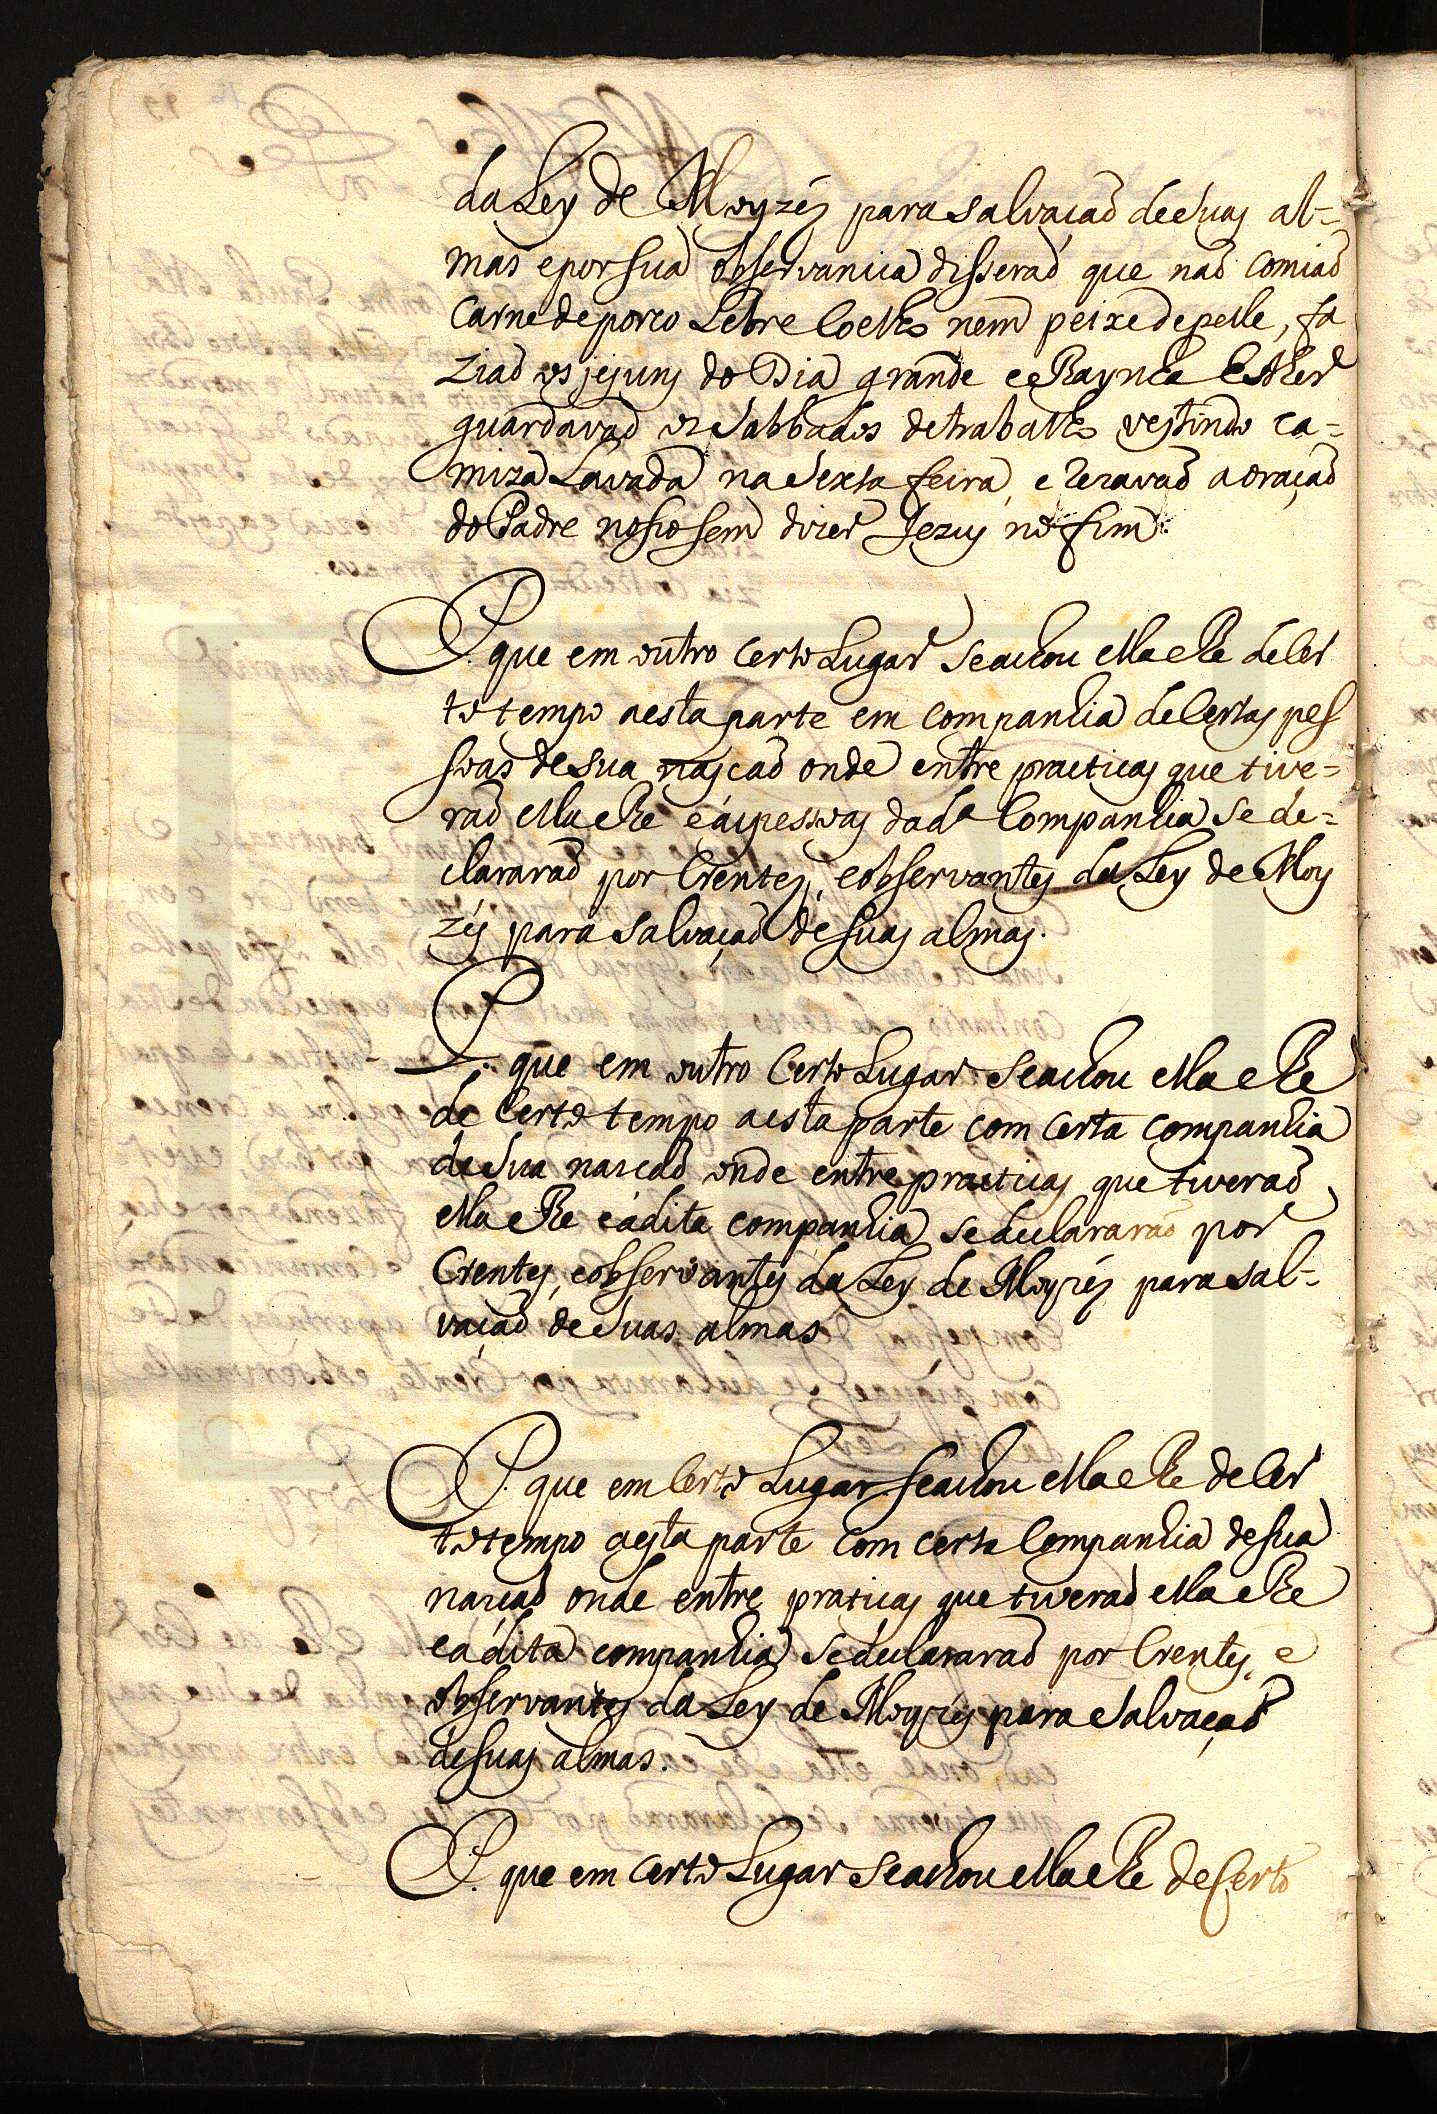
da Ley de Moyzés para salvaçaõ de suas al
mas e por sua observancia disseraõ que naõ comiaõ
carne de porco Lebre Coelho nem peixe de pelle, fa
ziaõ os jejuns do Dia grande e Raynha Esther
guardavaõ os sabbados de trabalho vestindo ca
miza Lavada na sexta feira, e Rezavaõ a oraçaõ
do Padre nosso sem dizer Jezus no fim.
P. que em outro certo Lugar se achou ella Re de Cer
to tempo a esta parte em companhia de Certas pes
soas de sua nasçaõ onde entre praticas que tive
raõ ella Re e ás pessoas da da Companhia se de
clararaõ por Crentes, e observantes da Ley de Moy
zés para salvaçaõ de suas almas.
P. que em outro Certo Lugar se achou ella Re
de Certo tempo a esta parte com certa Companhia
de Sua nasçaõ onde entre practicas que tiveraõ
ella Re e a dita companhia se declararaõ por
Crentes, e observantes da Ley de Moyzés para sal
vaçaõ de suas almas
P. que em certo Lugar se achou ella Re de cer
to tempo a esta com certa companhia de sua
nasçaõ onde entre praticas que tiveraõ ella Re
e a dita companhia se declararaõ por Crentes, e
observantes da Ley de Moyzés para salvaçaõ
de suas almas.
P. que em certo Lugar se achou ella Re de Certo
